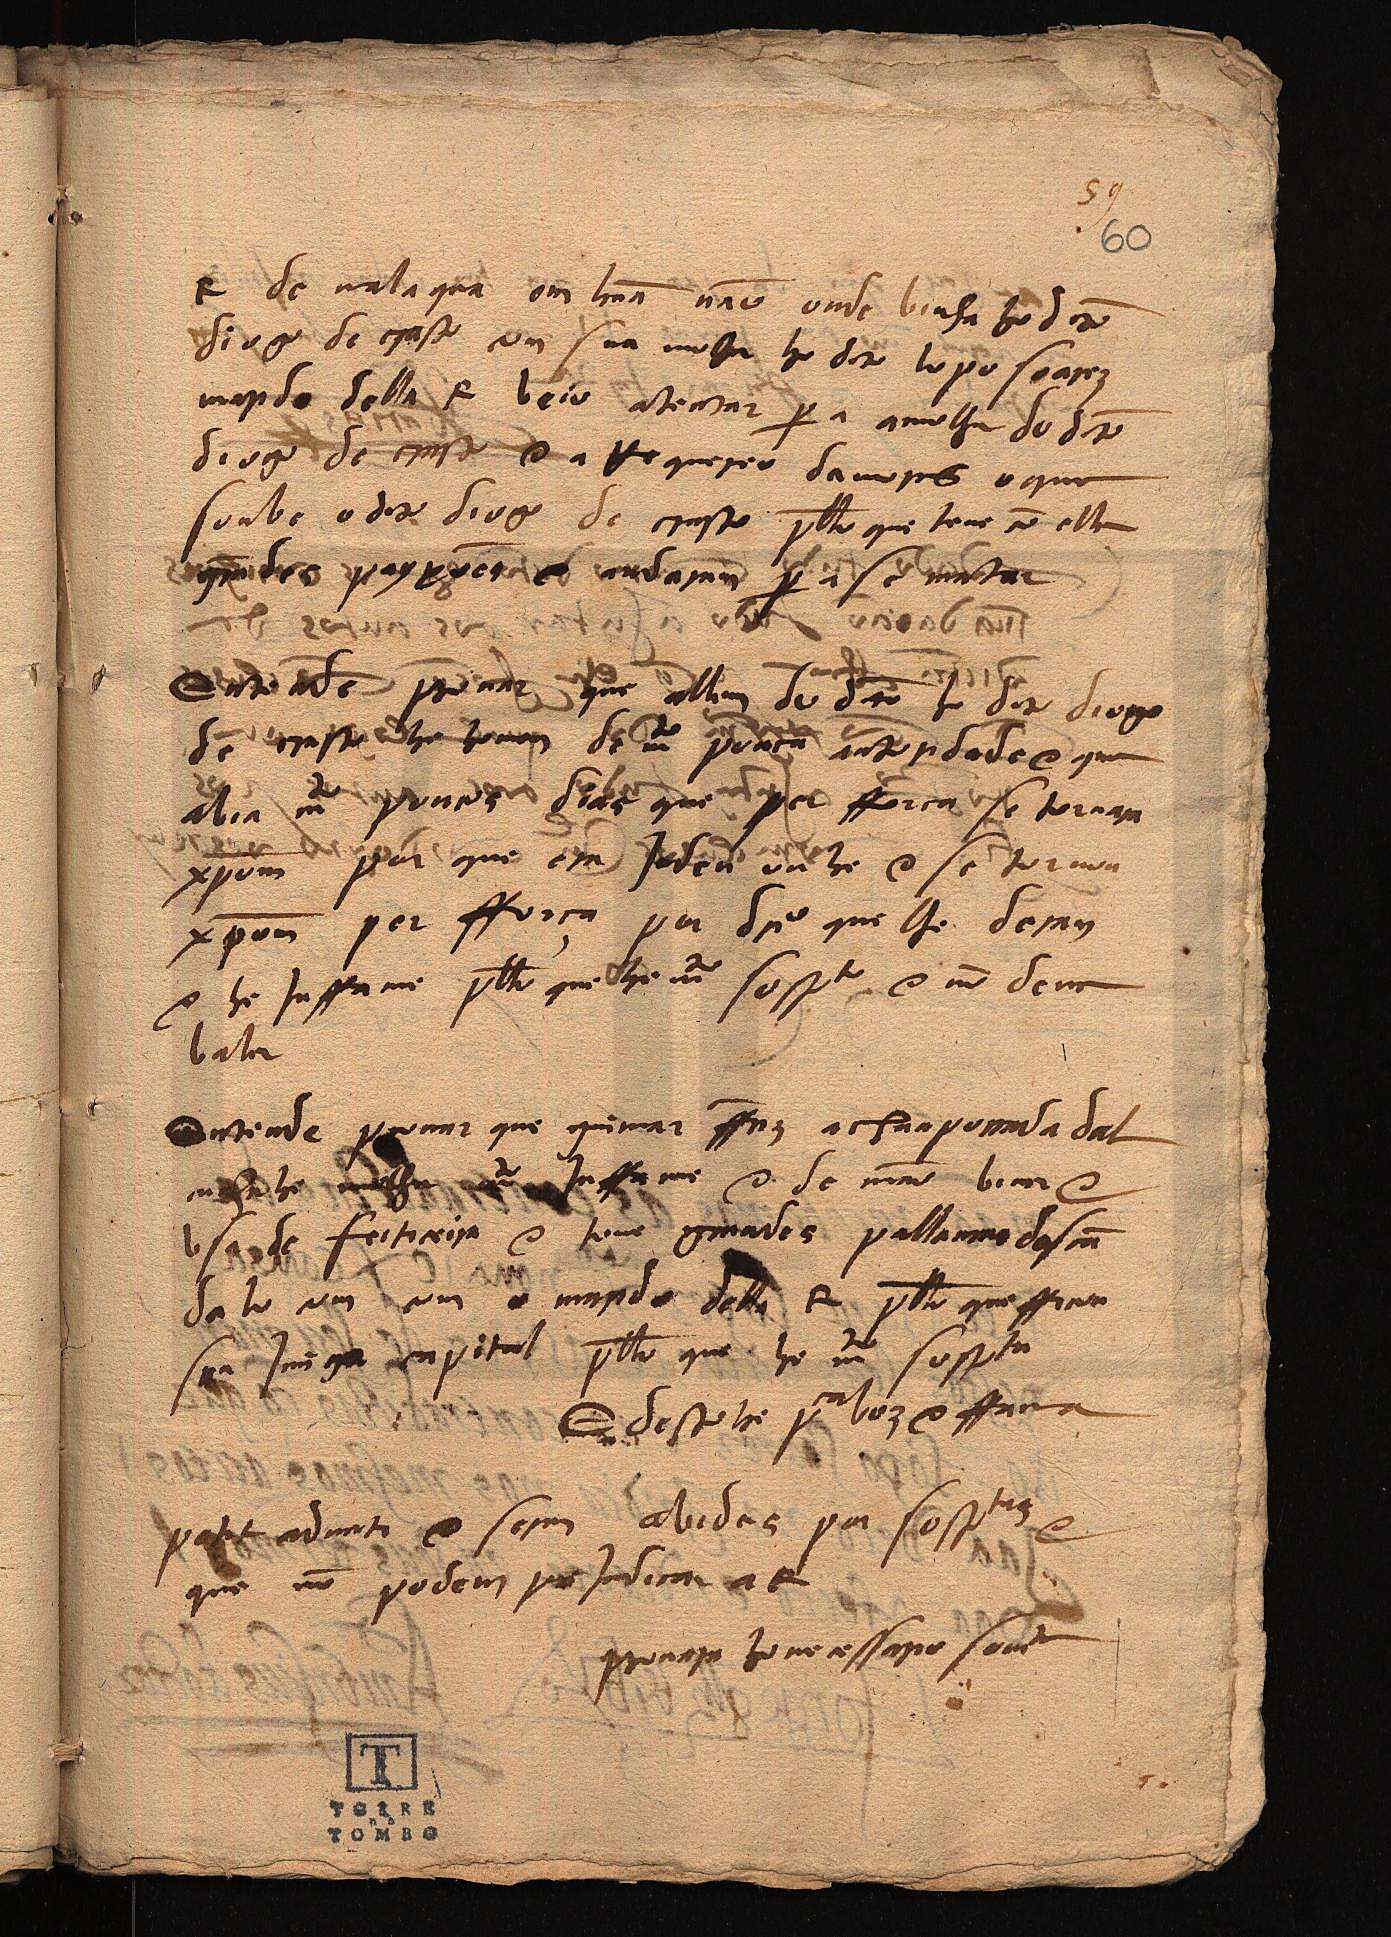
R de malaqua em hūa nao onde vinha ho dito
diogo de crasto com sua molher ho dito lopo soarez
marido della R veio atentar ꝑa a molher do dito
diogo de crasto e a Requereo damores o que
soube o dito diogo de crasto ꝑllo que teue cō elle
gr̄ades payxões e andaram ꝑa se matar
Entende prouar que allem do dito ho dito diogo
de crasto he homem de mto pouca autoridade e que
avia mto poucos dias que per fforca se tornara
xp̄om por que era Judeu ou he e se tornou
xp̄om per fforça por drro que lhe deram
e he Jnffame p̄llo que he mto sospto e nō deue
valer
Entende prouar que guimar f̄frrz a chanporrada dal
cunha he molher mto Jnffame e de mao viuer e
vsa de feiticeira e teue grandes pallauras descā
dalo com com o marido della R p̄llo que fficou
sua Jmiga capital p̄llo que he mto sospta
E desto he pca voz e ffama
petit admiti e serem avidas por sosptas e
que nō podem preJudicar a R
prouara ho necessario somte
